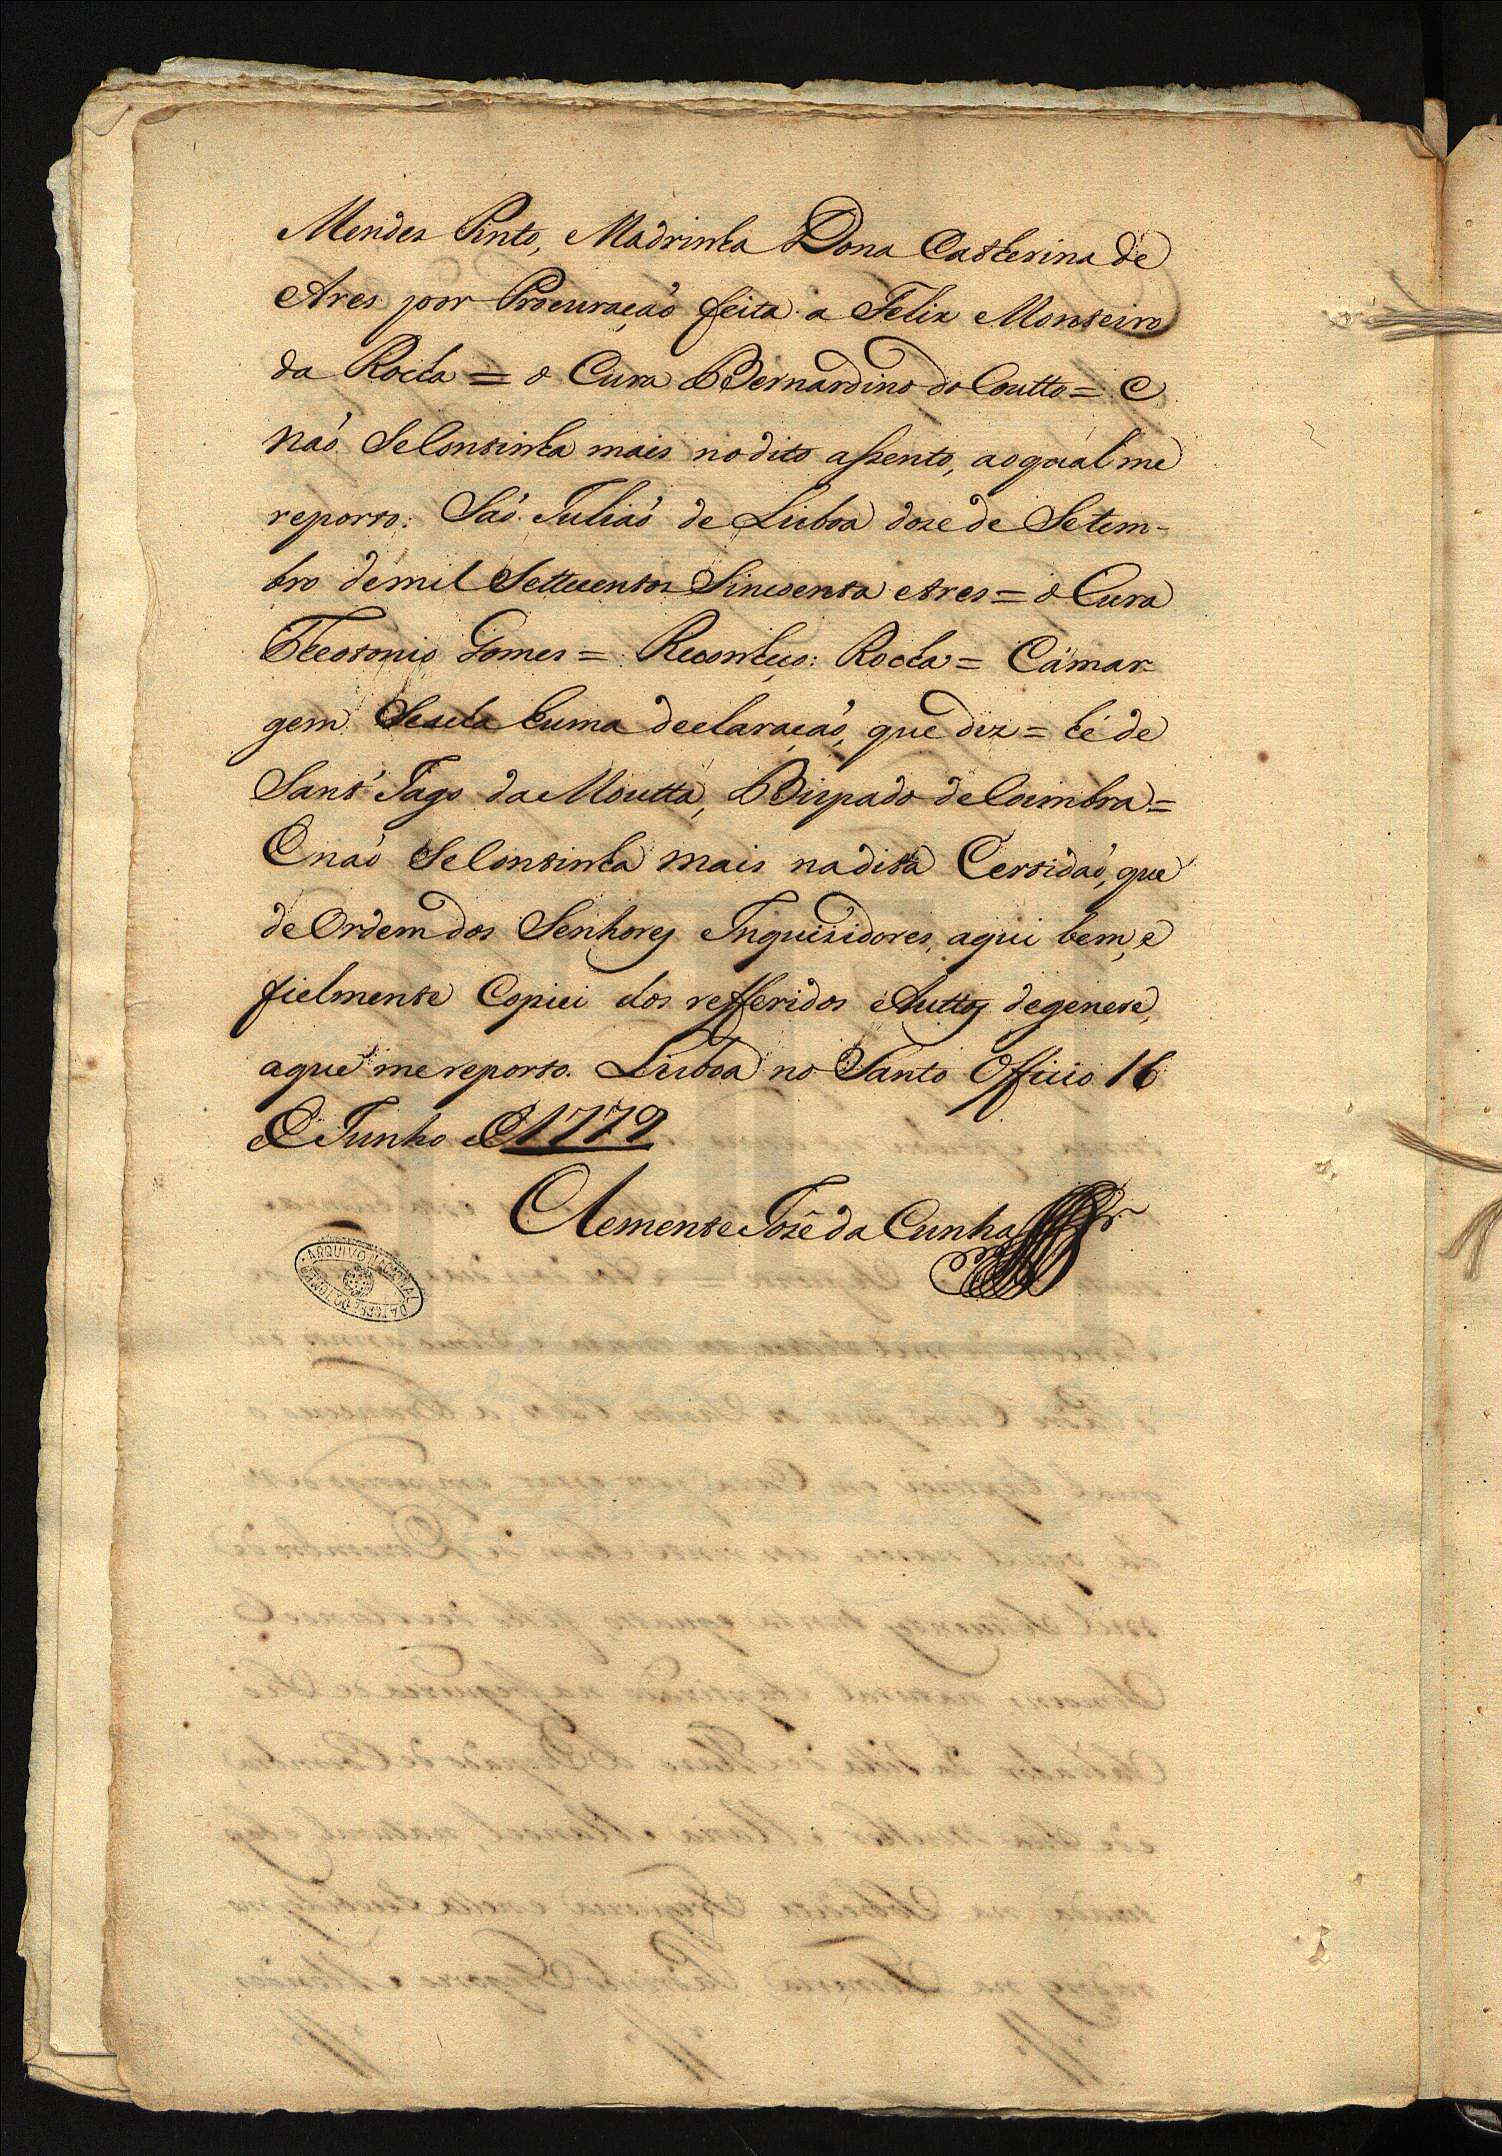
Mendes Pinto Madrinha Dona Catherina de
Ares por Procuraçaõ feita a Felix Monteiro
da Rocha = o Cura Bernardino do Coutto= e
naõ Se Continha mais no dito assento, ao qual me
reporto: Saõ Iuliaõ de Lisboa doze de Setem
bro de mil Settecentos Sincoenta e tres = o Cura
Theotonio Gomes = Reconheço: Rocha = E á mar
gem Se acha huma declaraçaõ, que diz = hé de
Sant'Iago da Moutta, Bispado de Coimbra
E naõ Se Continha mais na dita Certidaõ, que
de Ordem dos Senhores Inquizidores aqui bem, e
fielmente Copiei dos refferidos Auttos de genere,
a que me reporto. Lisboa no Santo Officio 16
d̄ Iunho d̄ 1779
Clemente Iozé da Cunha
